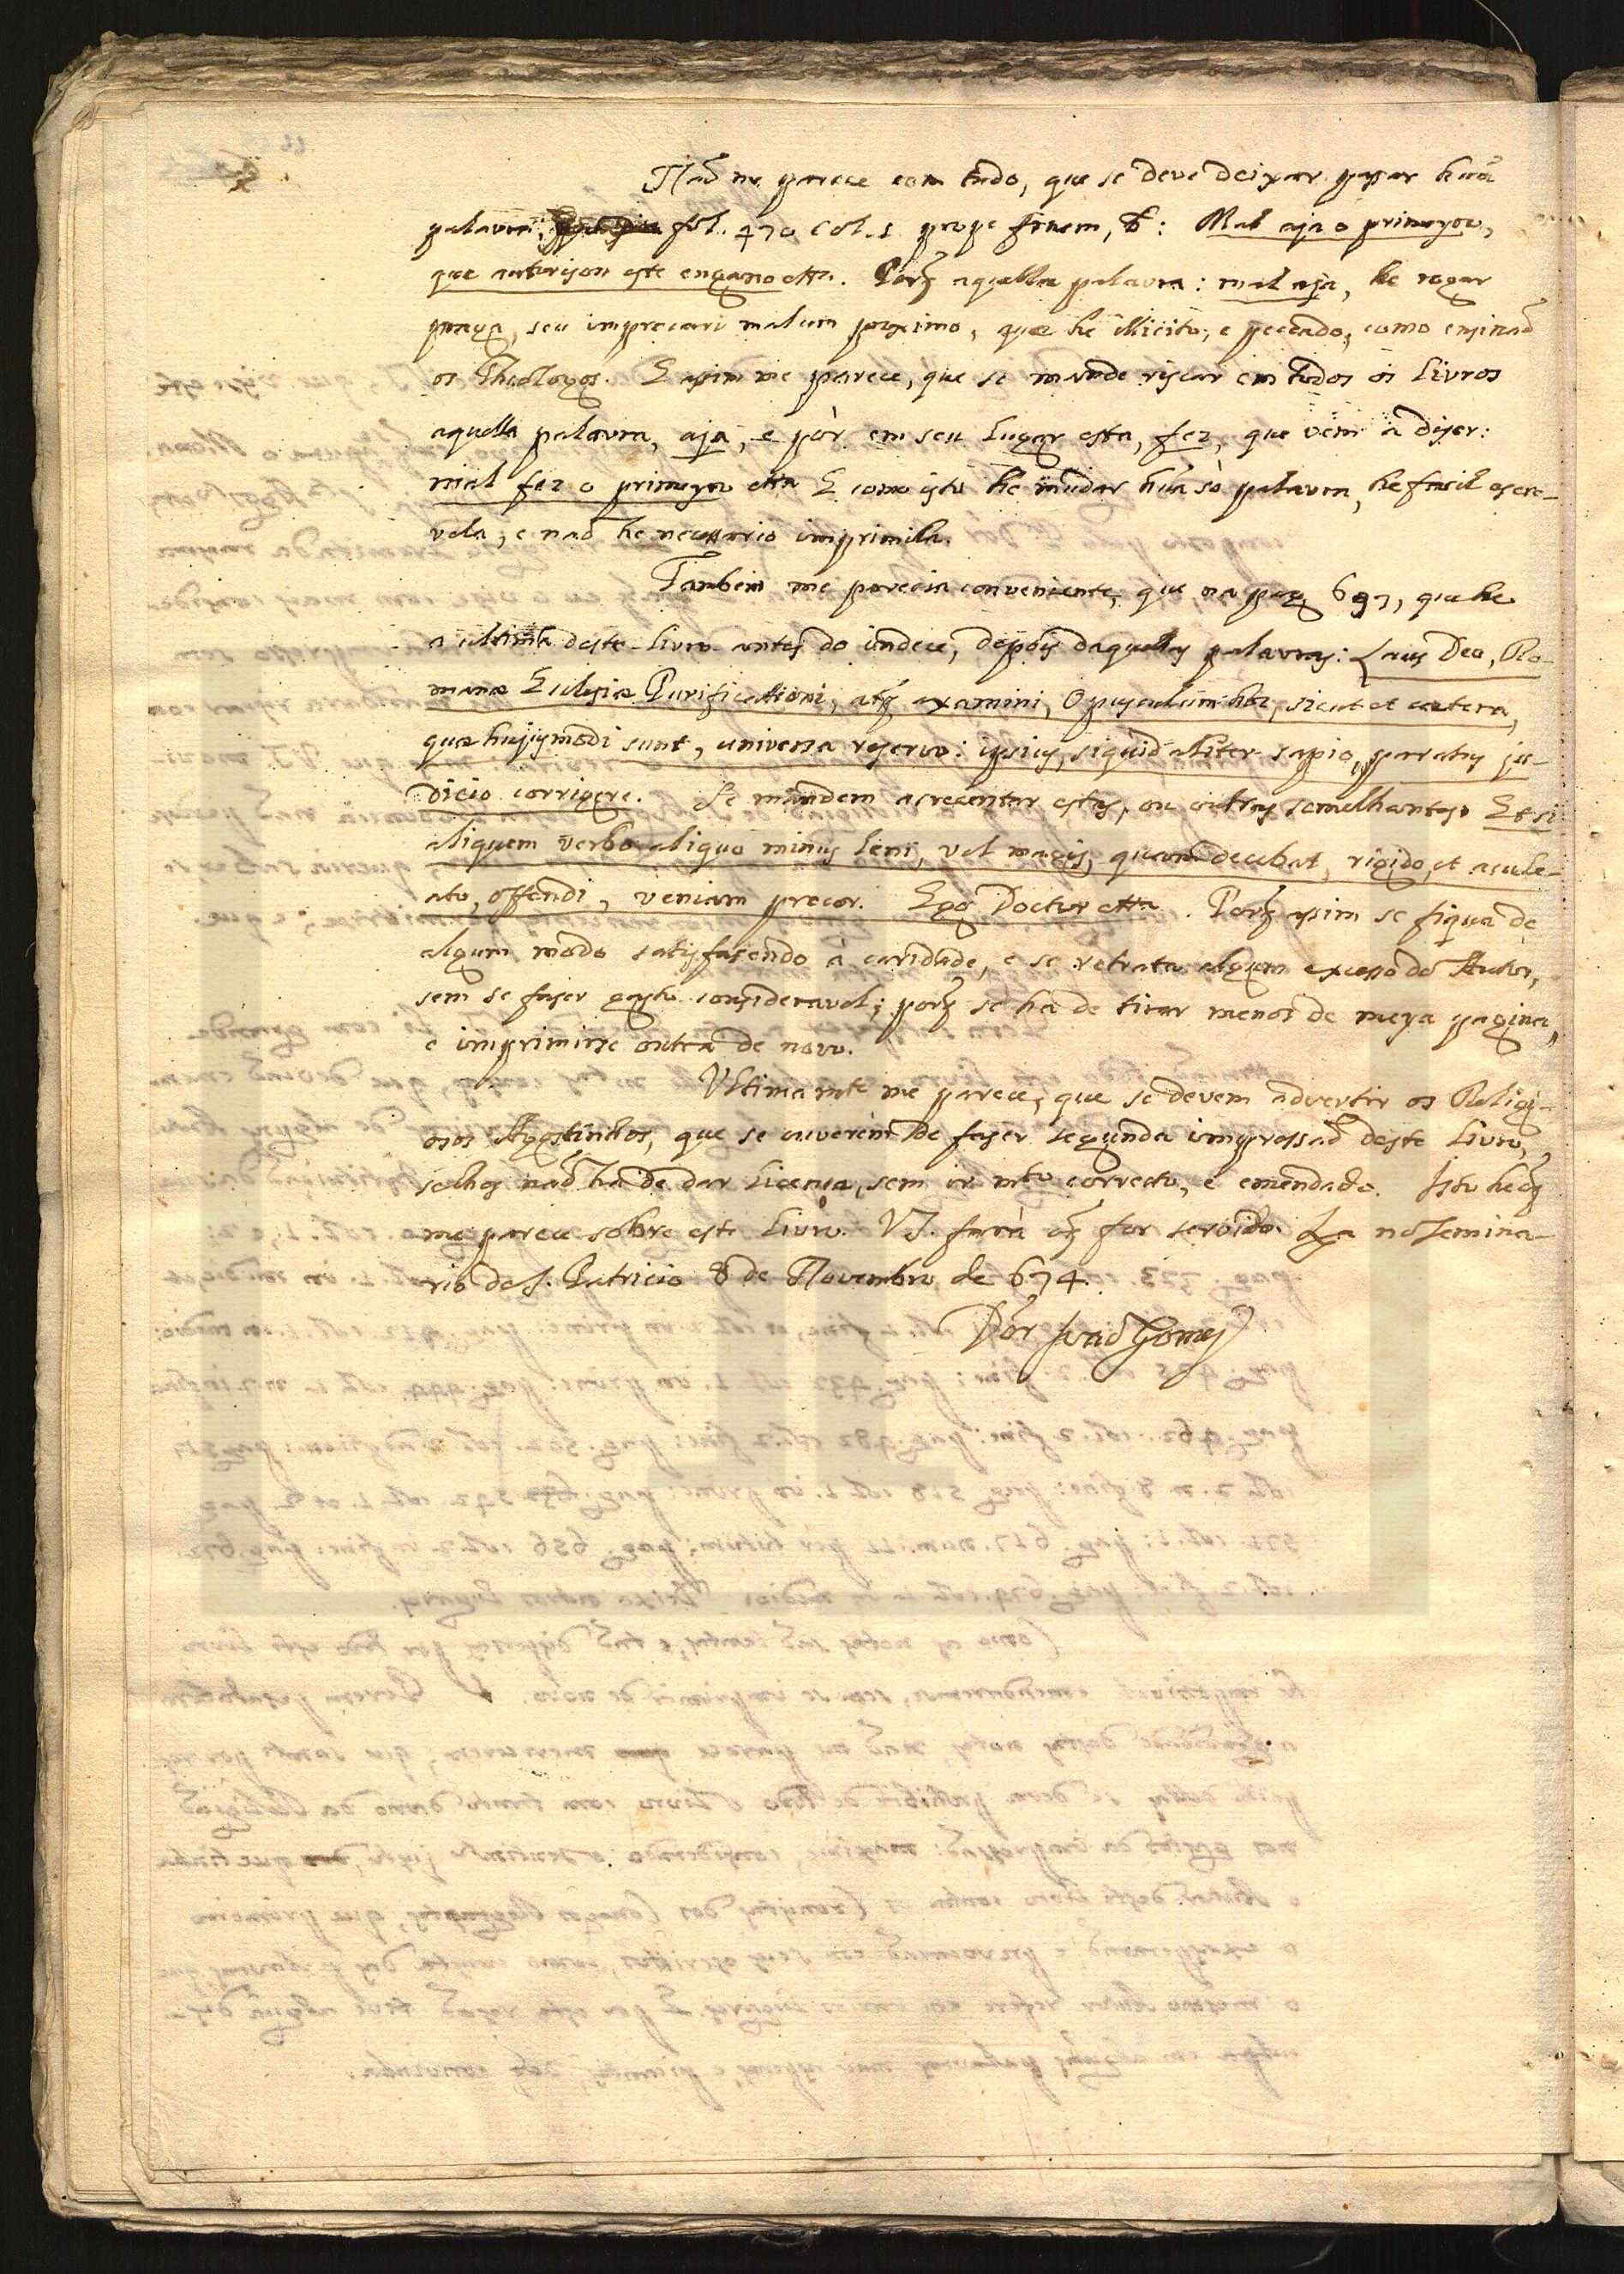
Naõ me parece comtudo, que se deve deixar passar huā
palavra _ fol. 470 col. 5 prope finem, b̄: Mal aja o primeyro,
que autorisou este engano etta. Porq̄ aquella palavra: mal aja, he rogar
praga, seu imprecari malum proximo, que he illicito; e peccado, como ensinaõ
os Theologos. E assim me parece, que se mande riscar em todos os Livros
aquella palavra, aja, e por em seu Lugar esta, fez, que vem a diser:
mal fez o primeyro etta E como isto he mudar huā so palavra, he fasil escre
vela, e naõ he necessario imprimilla.
Tambem me parecia conveniente, que na pag 697, que he
a ultima deste livro antes do indece, depois daquellas palavras: Laus Deo, Ro
manæ Ecclesiæ Purificattioni, atq̄ examini, Opusculum hoc, sicut et cætera,
quæ hujusmodi sunt, universa reservo: ipsius si quid aliter sapio, paratus ju
dicio corrigere. Se mandem acrecentar estas, ou outras semelhantes, Et si
aliquem verbo aliquo minus leni, vel magis, quam decebat rigido, et acule
ato, offendi, veniam precor. Ego Doctor ett.a. Porq̄ assim se fiqua de
algum modo satisfasendo à caridade, e se retrata algum excesso do Autor,
sem se faser gasto consideravel; porq̄ se ha de tirar menos de meya pagina,
e imprimirse outra de novo.
Vltimamte me parece, que se devem advertir os Religi
osos Agostindos, que se ouverem de faser segunda impressaõ deste Livro,
se lhes naõ ha de dar licença, sem ir mto correcto, e emendado. Isto he o q̄
me parece sobre este livro. VS. farà o q̄ for servido. Lxa no semina
rio de S. Patricio 8 de Novembro de 674.
Dōr Joaõ Gomez
